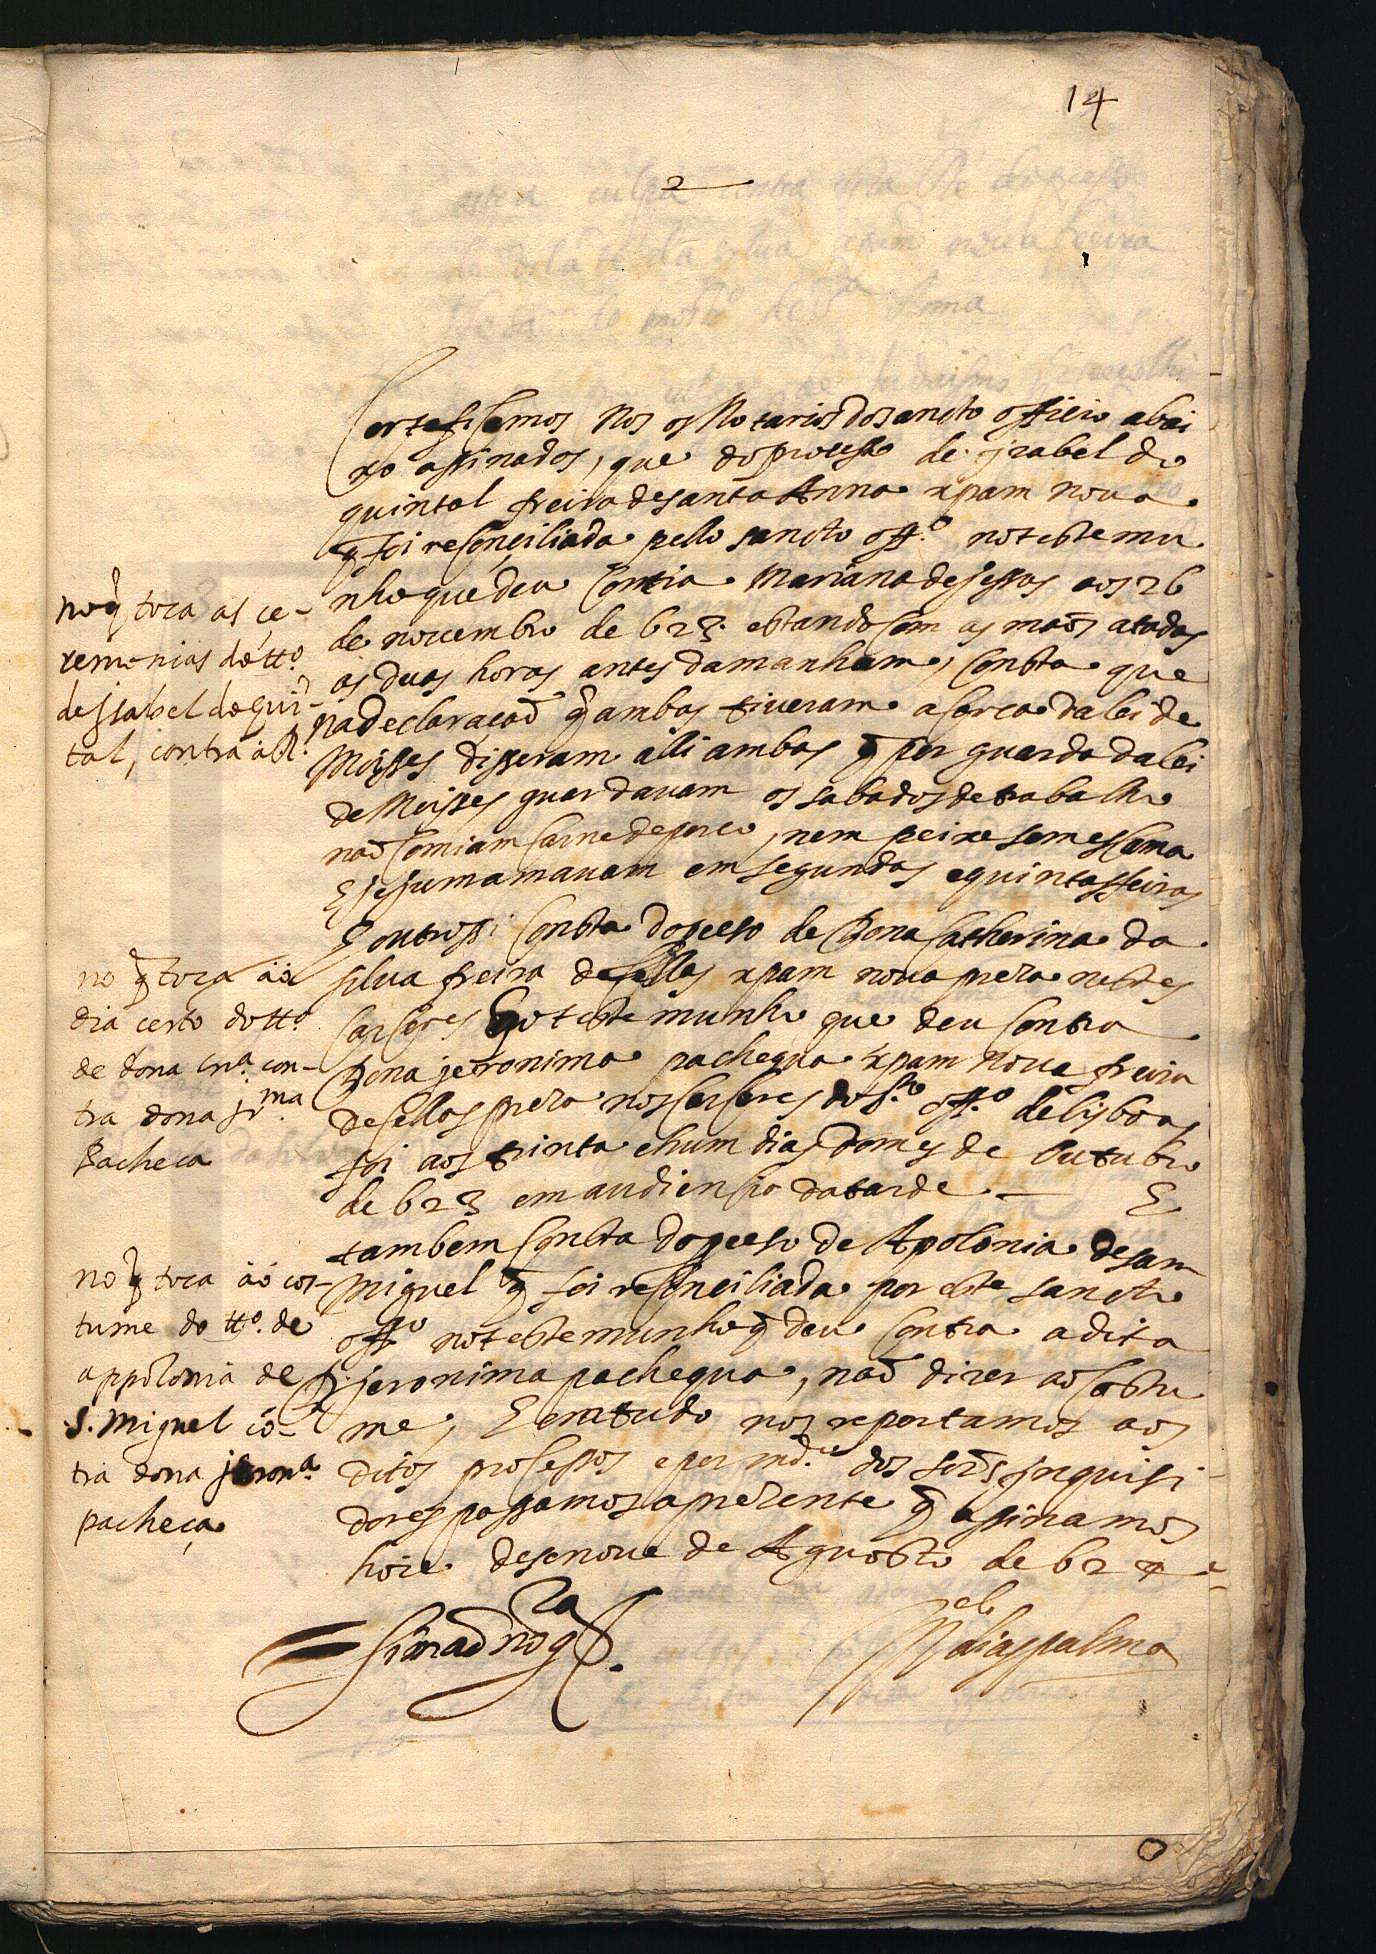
14
CertefiCamos Nos os notarios do sancto officio abai
xo assinados, que do processo de jzabel do
quintal freira de santa Anna xpam noua
q̄ foi reConciliada pello sancto off.o no testemu
nho que deu Contra mariana de jessus aos 26
no q̄ toca as ce
remonias do tto.
de jsabel do quī
tal, contra a R.
de nouembro de 623. estando Com as maõs atadas
as duas horas antes da manham, Consta que
na declaraçaõ q̄ ambas tiueram aCerca da lei de
Moisses disseram alli ambas q̄ por guarda da lei
de Moisses guardauam os sabados de trabalho
naõ Comiam Carne de porco, nem peixe sem esCama
E jejumamauam em segundas e quintas feiras
E outrossi Consta do ꝓceso de Dona Catherina da
silua freira de Cellas xpam noua preza nestes
no q̄ toca ao
dia certo do tt.o
de dona Cn.a con
tra dona jr.ma
Pacheca
CarCeres E o testemunho que deu Contra
Dona jeronima pachequa xpam noua freira
de Cellas preza nos CarCeres do S.to off.o de lisboa,
foi aos trinta e hum dias do mes de Outubro
de 623 em audienCia da tarde – E
tambem Consta do ꝓceso de Apolonia de sam
no q̄ toca ao cos
tume do tto. de
appolonia de
s. miguel cō
tra dona jeron.a
pacheca
Miguel q̄ foi reConciliada por este sancto
offo no testemunho q̄ deu Contra a dita
D. Jeronima pachequa, naõ dizer ao Costu
me, E em tudo nos reportamos aos
ditos proCessos e por md.o dos sor̄s jnquisi
dores passamos a prezente q̄ assinamos
hoie. desenoue de Aguosto de 624
Simão nogra
mel dias palma
